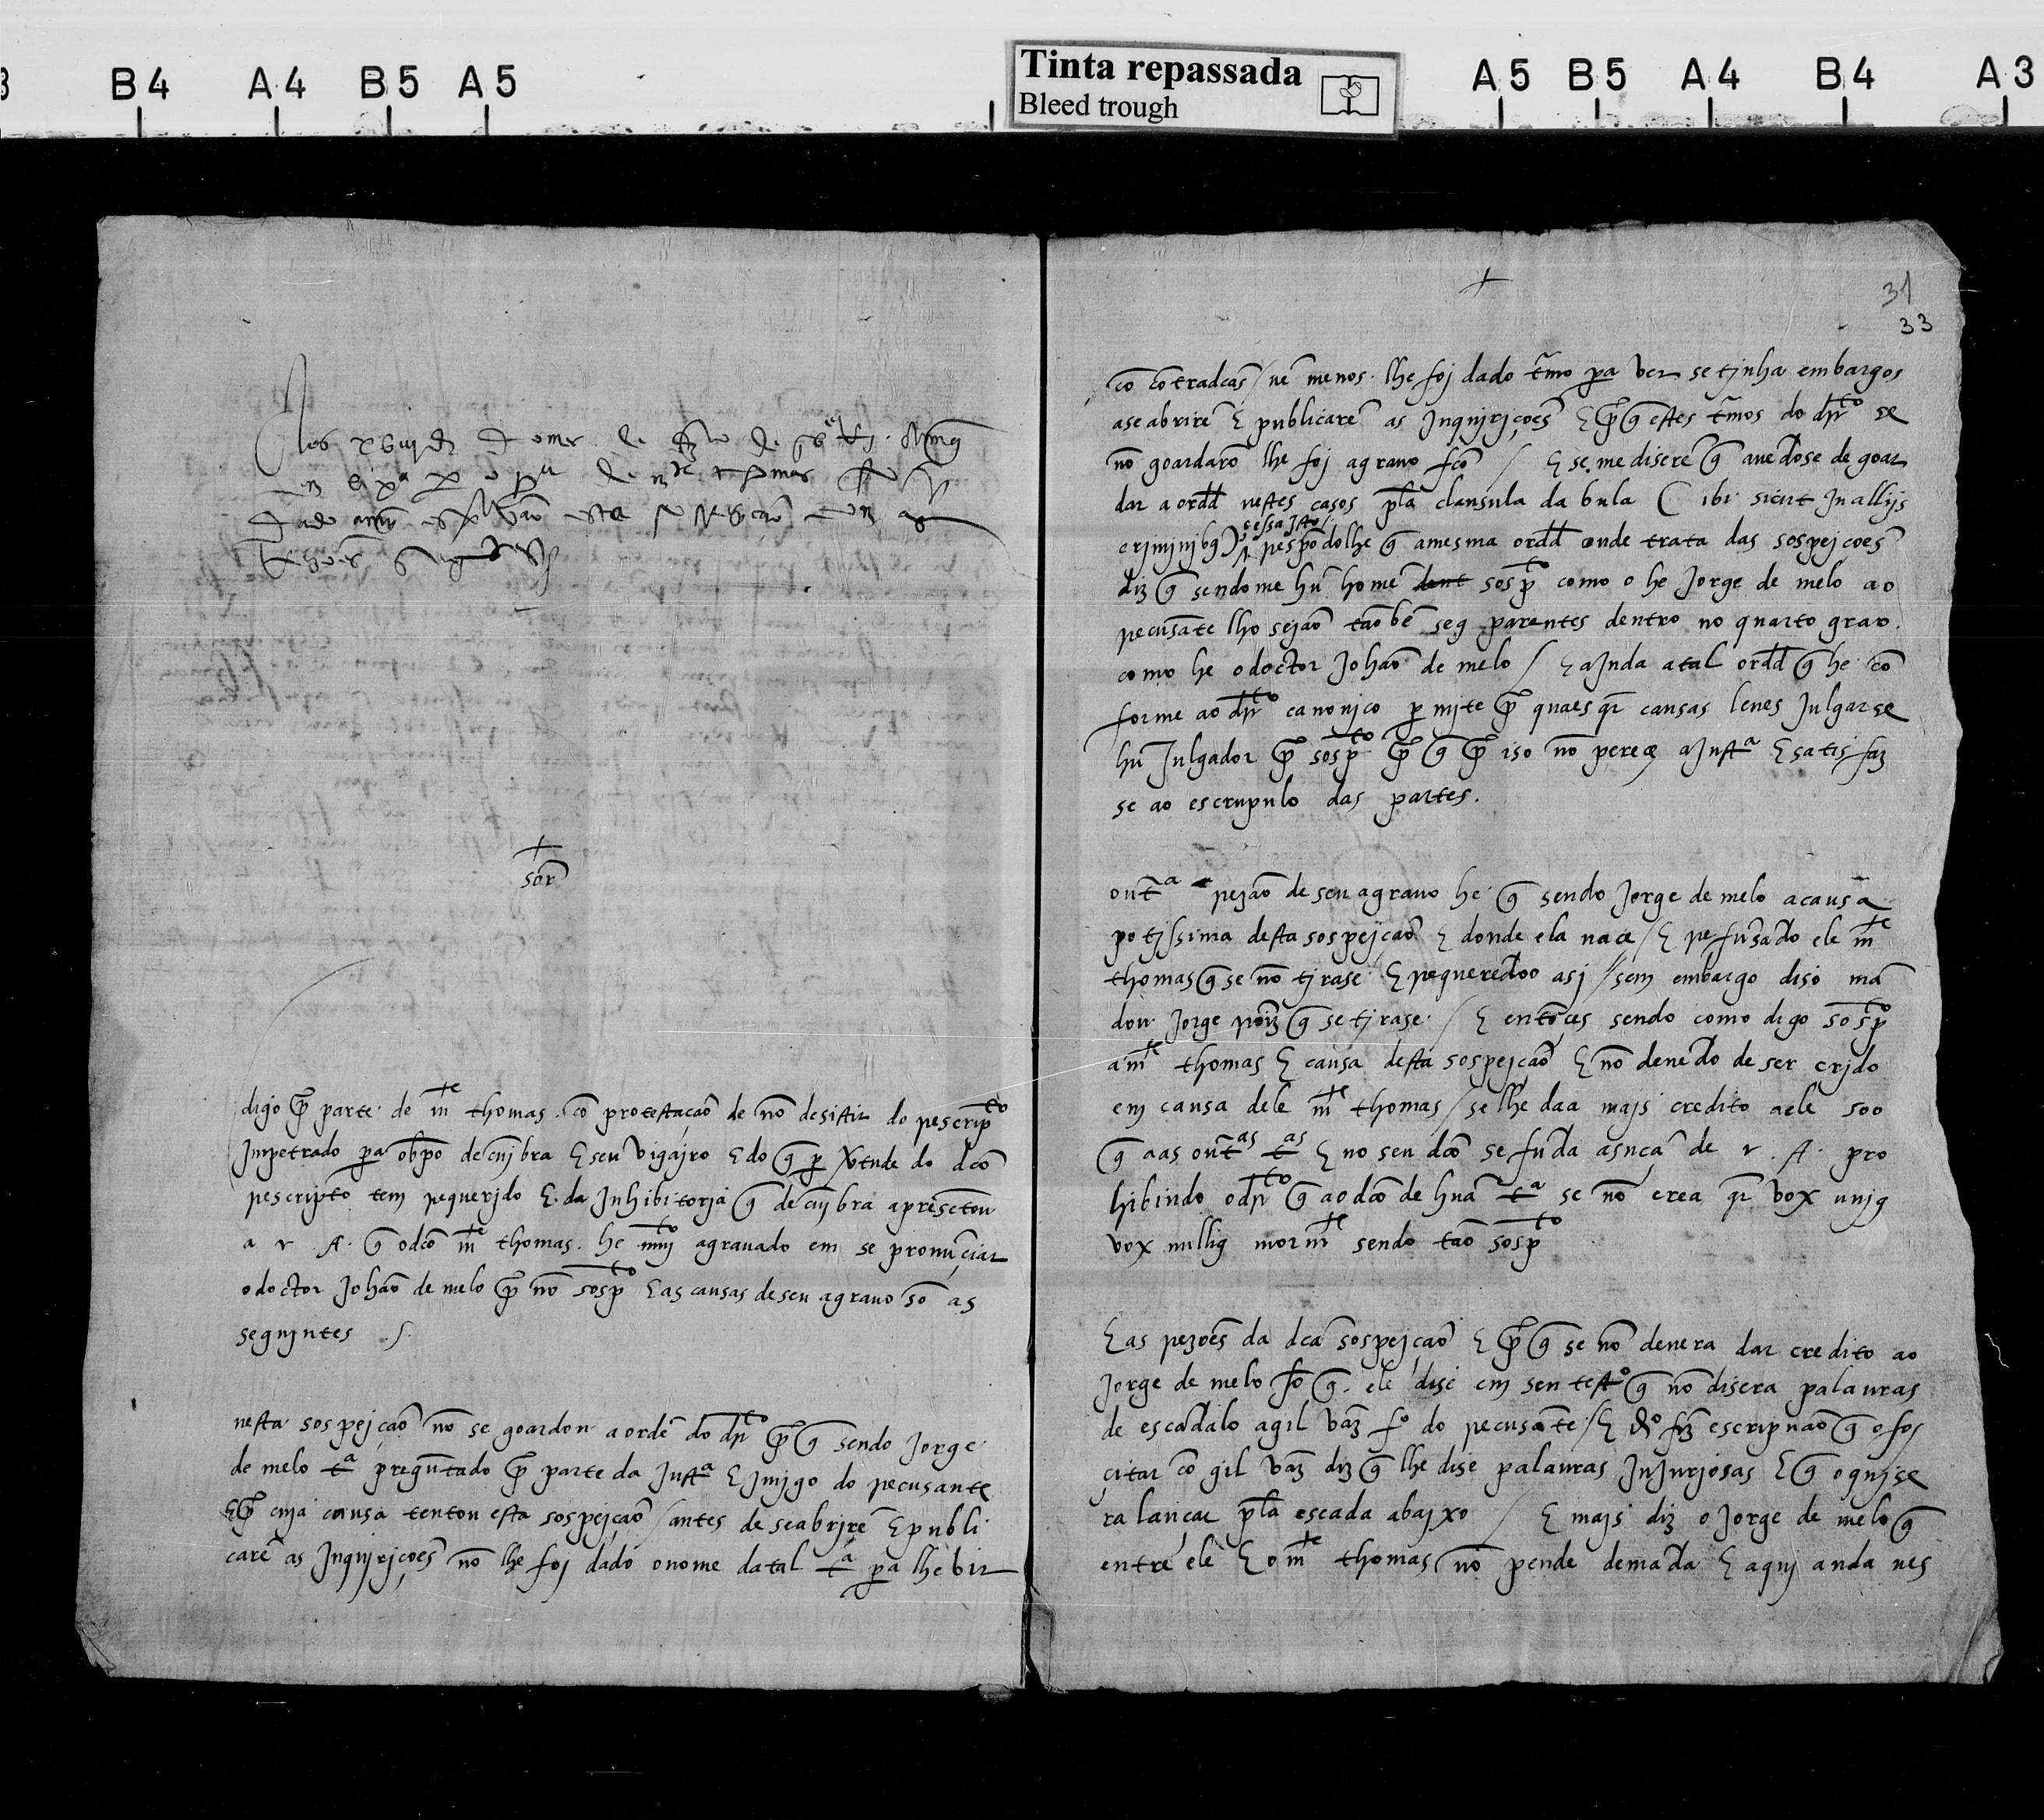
Aos xbiij di do mes de dzro de j̄bcRj. Annꝯ
em lixa ꝑ o ꝓor de mte thomas foy
dado a mȳ espvão esta sospeyção com as
Rezoẽs seguītes
sor̄
digo p̄o parte. de mte thomas c̄o protestação de n̄o desistir do rescripto
Jmpetrado ꝑa o b̄po de c̄ujbra E seu vigajro E do q̄ ꝑ ꝟtude do dcō
rescripto tem requerjdo E da Jnhibitorja q̄ de c̄ujbra apresētou
a v A. q̄ o dcō mte thomas he mujto agrauado em se pronūciar
o doctor Johão de melo p̄o n̄o sospto E as causas de seu agrauo s̄o as
segujntes/
nesta sospeyção n̄o se goardou a ordē do drto p̄oq̄ sendo Jorge
de melo ta pregūtado p̄o parte da Justa e Jmjgo do recusante
E p̄o cuja causa tentou esta sospejção / antes de se abrjrē E publi
carē as Jnqujrjções n̄o lhe foj dado o nome da tal ta ꝑa lhe vir
c̄o cōtradcas̄ / nē menos. lhe foj dado t̄mo ꝑa ver se tjnha embargos
a se abrirē E publicarē as Jnqujrjções e p̄oq̄ estes tm̄os do dirto se
n̄o goardarō lhe foj agrauo fcō / E se me diserē q̄ auēdose de goar
dar a ord̄d nestes casos p̄la clausula da bula C ibi sicut Jn allijs
crjmjnjbꝯ
cessa Jsto
respōdo lhe q̄ a mesma ord̄d onde trata das sospejções
diz q̄ sendo me hū homē dent sospto como o he Jorge de melo ao
recusāte lho sejão tãobē seꝯ parentes dentro no quarto grao
como he o doctor Johão de melo / E aJnda a tal ord̄d q̄ he c̄o
forme ao drto canonjco ꝑmjte p̄o quaesq̄r causas leues Julgarse
hū Julgador p̄o sospto p̄oq̄ p̄o iso n̄o perece a Justa E satisfaz
se ao escrupulo das partes.
outra rezão de seu agrauo he q̄ sendo Jorge de melo a causa
potjssima desta sospejção E donde ela nace / E refusādo ele mte
thomas q̄ se n̄o tjrase E requerēdoo asj / sem embargo diso mā
dou. Jorge rōiz q̄ se tjrase / E entōces sendo como digo sospto
a mte thomas E causa desta sospejção E n̄o deuēdo de ser crjdo
em causa dele mte thomas / se lhe daa majs credito a ele soo
q̄ aas outras tas E no seu dcō se fūda a snçā de v A. pro
hibindo o drto q̄ ao dc̄o de huā ta se n̄o crea q̄i vox unjꝯ
vox milliꝯ mormte sendo tão sospto
E as rezoẽs da dcā sospejção E p̄oq̄ se n̄o deuera dar credito ao
Jorge de melo s̄o q̄ ele dise em seu testo q̄ nō disera palauras
de escādalo a gil vaz̄ fo do recusāte / E do frz̄ escripuão q̄ o foj
citar c̄o gil vaz̄ diz q̄ lhe dise palauras JnJurjosas E q̄ o qujse
ra lançar p̄la escada abajxo / E majs diz o Jorge de melo q̄
entre ele E o mte thomas n̄o pende demāda E aquj anda nes
